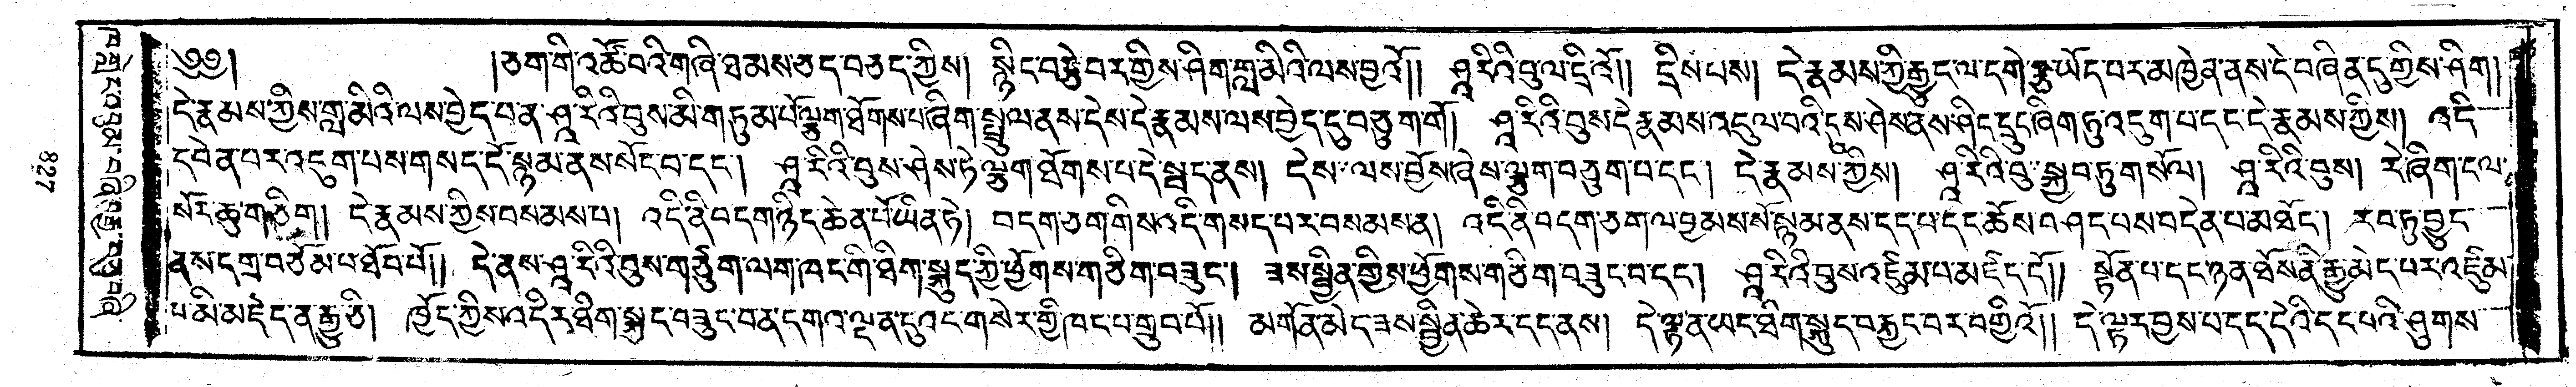༄༅། །ཅག་གི་འཚོ་བའི་གཞི་ཐམས་ཅད་བཅད་ཀྱིས། སྙིང་བརྩེ་བར་གྱིས་ཤིག་གླ་མིའི་ལས་བྱའོ།། ཤཱ་རིའི་བུ་ལ་དྲི་འོ།། དྲིས་པས། དེ་རྣམས་ཀྱི་རྒྱུད་ལ་དགེ་རྩ་ཡོད་པར་མཁྱེན་ནས་དེ་བཞིན་དུ་གྱིས་ཤིག།
དེ་རྣམས་ཀྱིས་གླ་མིའི་ལས་བྱེད་པ་ན་ཤཱ་རིའི་བུས་མི་གཏུམ་པོ་ལྕག་ཐོགས་པ་ཞིག་སྤྲུལ་ནས་དེས་དེ་རྣམས་ལས་བྱེད་དུ་བཅུག་གོ། ཤཱ་རིའི་བུས་དེ་རྣམས་འདུལ་བའི་དུས་ཤེས་ནས་ཤིང་དྲུང་ཞིག་ཏུ་འདུག་པ་དང་དེ་རྣམས་ཀྱིས། འདི་
དབེན་པར་འདུག་པས་གསད་དོ་སྙམ་ནས་སོང་བ་དང་། ཤཱ་རིའི་བུས་ཤེས་ཏེ་ལྕག་ཐོགས་པ་དེ་སྦད་ནས། དེས་ལས་བྱོས་ཞེས་ལྕག་བཅུག་པ་དང་། དེ་རྣམས་ཀྱིས། ཤཱ་རིའི་བུ་སྐྱབ་ཏུ་གསོལ། ཤཱ་རིའི་བུས། རེ་ཞིག་ངལ་
སོར་ཆུ་གཅིག། དེ་རྣམས་ཀྱིས་བསམས་པ། འདི་ནི་བདག་ཉིད་ཆེན་པོ་ཡིན་ཏེ། བདག་ཅག་གིས་འདི་གསད་པར་བསམས་ན། འདི་ནི་བདག་ཅག་ལ་བྱམས་སོ་སྙམ་ནས་དད་པ་དང་ཆོས་བཤད་པས་བདེན་པ་མཐོང་། རབ་ཏུ་བྱུང་
ནས་དགྲ་བཅོམ་པ་ཐོབ་པོ།། དེ་ནས་ཤཱ་རིའི་བུས་གཙུག་ལག་ཁང་གི་ཐིག་སྐུད་ཀྱི་ཕྱོགས་གཅིག་བཟུང་། ཟས་སྦྱིན་གྱིས་ཕྱོགས་གཅིག་བཟུང་བ་དང་། ཤཱ་རིའི་བུས་འཛུམ་པ་མཛད་དོ།། སྟོན་པ་དང་ཉན་ཐོས་ནི་རྒྱུ་མེད་པར་འཛུམ་
པ་མི་མཛད་ན་རྒྱུ་ཅི། ཁྱོད་ཀྱིས་འདིར་ཐིག་སྐུད་བཟུང་བ་ན་དགའ་ལྡན་དུའང་གསེར་གྱི་ཁང་པ་གྲུབ་པོ།། མགོན་མེད་ཟས་སྦྱིན་ཆེར་དད་ནས། དེ་ལྟ་ན་ཡང་ཐིག་སྐུད་བརྐྱང་བར་བགྱིའོ།། དེ་ལྟར་བྱས་པ་དད་དེའི་དང་པའི་ཤུགས་